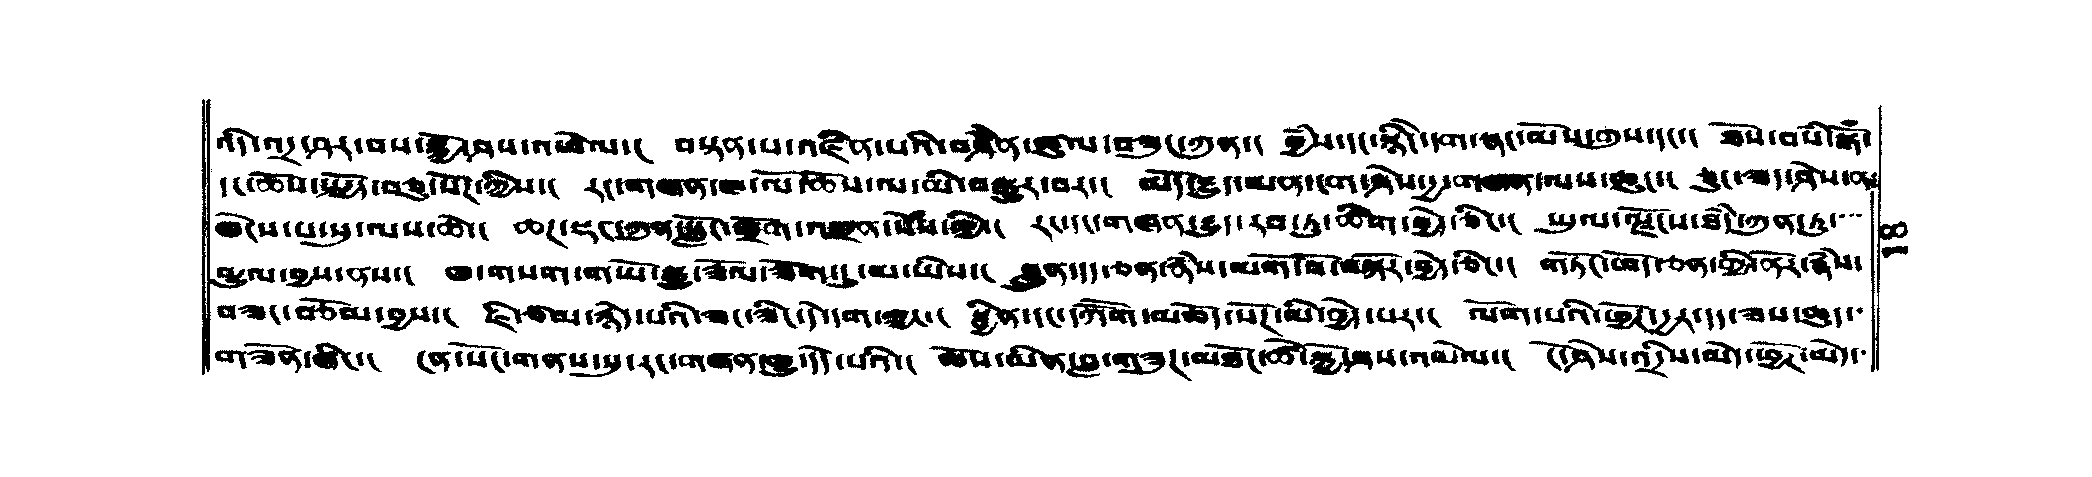འདི་འདྲ་ཤར་བས་སྐྱོ་ཤས་འཕེལ། །བསྟན་པ་འཛིན་པའི་བཤེས་གཉེན་ཚུལ་བཟུང་ཀུན། །བྱམས་དང་རྙིང་རྗེ་དག་སྣང་མོས་གུས་དང་། །ཐོས་བསམ་སྒོམ་
དང་ཆོས་སྤྱོད་བཅུ་སོགས་ཀྱིས། །རང་གཞན་ཁ་ལོ་ཆོས་ལ་མི་བསྒྱུར་བར། །མདོ་རྒྱུད་མན་ངག་ཤེས་རྒྱ་གཞན་ལས་ཆུང་། །ཅུང་ཟད་ཤེས་ན་
ཁེངས་པ་སུ་ལས་ཆེ། །ཆགས་སྡང་ཀུན་སློང་ཕྲག་དོག་འགྲན་སེམས་ཀྱི། །རང་དང་གཞན་རྒྱུད་རབ་ཏུ་ཚིག་བྱེད་ཅིང་། །ཡུལ་ལྗོངས་ཐམས་ཅད་ཀུན་ཏུ་
མྱུལ་བྱས་ནས། །ཁ་གསག་གཡོ་སྒྱུ་ཟོལ་ཟོག་དུ་མ་ཡིས། །བླུན་དད་ཅན་རྣམས་མགོ་བོ་བསྐོར་བྱེད་ཅིང་། གཏོང་ཕོད་ཅན་གྱི་ནོར་རྣམས་
བཟང་བཅོམ་བྱེད། །ཇི་ཙམ་རྙེད་པའི་ཟང་ཟིང་དེ་དག་ཀྱང་། །སྦྱིན་དང་དཀོན་མཆོག་མཆོད་སོགས་མི་བྱེད་པར། །ལོག་པའི་1$10002201$1000180ཕྱོགས་རྒྱར་དད་ཟས་ཆུད་
གཟོན་ཞིང་། ངན་སོང་གནས་སུ་རང་གཞན་ཁྱུ་དེད་པའི། །ཆོས་མིན་བླ་གཟུགས་མཐོང་ཚེ་སྐྱོ་ཤས་འཕེལ། །ངོ་ཤེས་འདྲིས་མེད་ཕྱོགས་མེད་